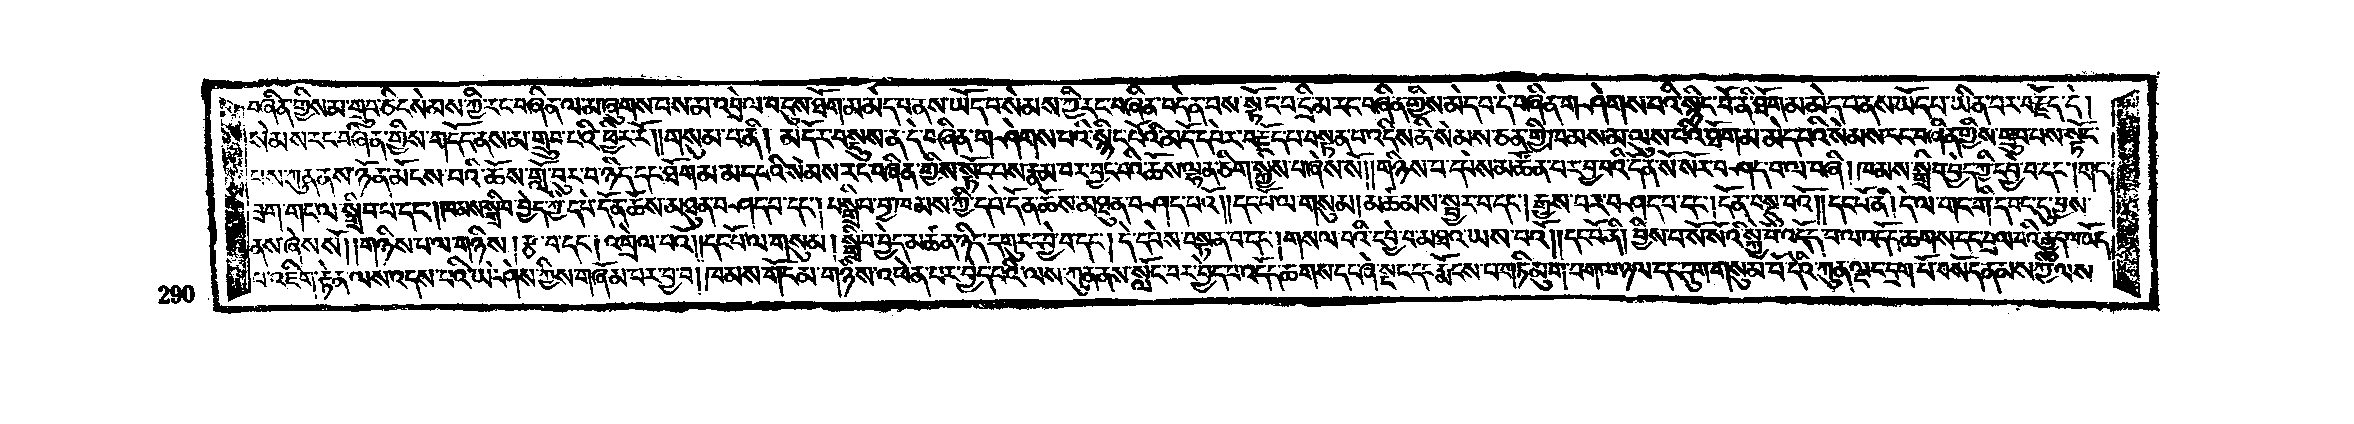བཞིན་གྱིས་མ་གྲུབ་ཅིང་སེམས་ཀྱི་རང་བཞིན་ལ་མ་ཞུགས་པས་མ་འབྲེལ་པ་དུས་ཐོག་མ་མེད་པ་ནས་ཡོད་པ་སེམས་ཀྱི་རང་བཞིན་བདེན་པས་སྟོང་བ་དྲི་མ་རང་བཞིན་གྱིས་མེད་པ་དེ་བཞིན་གཤེགས་པའི་སྙིང་པོ་ནི་ཐོག་མ་མེད་པ་ནས་ཡོད་པ་ཡིན་པར་བརྗོད་དེ།
སེམས་རང་བཞིན་གྱིས་གདོད་ནས་མ་གྲུབ་པའི་ཕྱིར་རོ། །གསུམ་པ་ནི། མདོར་བསྡུས་ན་དེ་བཞིན་གཤེགས་པའི་སྙིང་པོའི་མདོ་དཔེར་བརྗོད་པ་བསྟན་པ་འདིས་ནི་སེམས་ཅན་གྱི་ཁམས་མ་ལུས་པའི་ཐོག་མ་མེད་པའི་སེམས་རང་བཞིན་གྱིས་གྲུབ་པས་སྟོང་
པས་ཀུན་ནས་ཉོན་མོངས་པའི་ཆོས་གློ་བུར་བ་ཉིད་དང་ཐོག་མ་མེད་པའི་སེམས་རང་བཞིན་གྱིས་སྟོང་པས་རྣམ་པར་བྱང་བའི་ཆོས་ལྷན་ཅིག་སྐྱེས་པ་ཞེས་སོ། །གཉིས་པ་དཔེས་མཚོན་པར་བྱ་བའི་དོན་སོ་སོར་བཤད་པ་ལ་བཞི། ཁམས་སྒྲིབ་བྱེད་ཀྱི་དབྱེ་བ་དང་། གང་
ཟག་གང་ལ་སྒྲིབ་པ་དང་། ཁམས་སྒྲིབ་བྱེད་ཀྱི་དཔེ་དོན་ཆོས་མཐུན་བཤད་པ་དང་། བསྒྲིབ་བྱ་ཁམས་ཀྱི་དཔེ་དོན་ཆོས་མཐུན་བཤད་པའོ། །དང་པོ་ལ་གསུམ། མཚམས་སྦྱར་བ་དང་། རྒྱས་པར་བཤད་པ་དང་། དོན་བསྡུ་བའོ། །དང་པོ་ནི། དེ་ལ་གང་གི་དབང་དུ་བྱས་
ནས་ཞེས་སོ། །གཉིས་པ་ལ་གཉིས། རྩ་བ་དང་། འགྲེལ་པའོ། །དང་པོ་ལ་གསུམ། སྒྲིབ་བྱེད་མཚན་ཉིད་དགུར་དབྱེ་བ་དང་། དེ་དཔེས་བསྟན་པ་དང་། གསལ་བའི་དབྱེ་བ་མཐའ་ཡས་པའོ། །དང་པོ་ནི། བྱིས་པ་སོ་སོའི་སྐྱེ་བོ་འདོད་པ་ལ་འདོད་ཆགས་དང་བྲལ་བའི་རྒྱུད་ལ་ཡོད་
པ་འཇིག་རྟེན་ལས་འདས་པའི་ཡེ་ཤེས་ཀྱིས་གཞོམ་པར་བྱ་བ། ཁམས་གོང་མ་གཉིས་འཕེན་པར་བྱེད་པའི་ལས་ཀུན་ནས་སློང་བར་བྱེད་པ་འདོད་ཆགས་དང་ཞེ་སྡང་དང་རྨོངས་པ་གཏི་མུག་བག་ལ་ཉལ་དང་དུག་གསུམ་པོ་དེའི་ཀུན་ལྡང་དྲག་པོ་བསོད་ནམས་ཀྱི་ལས་